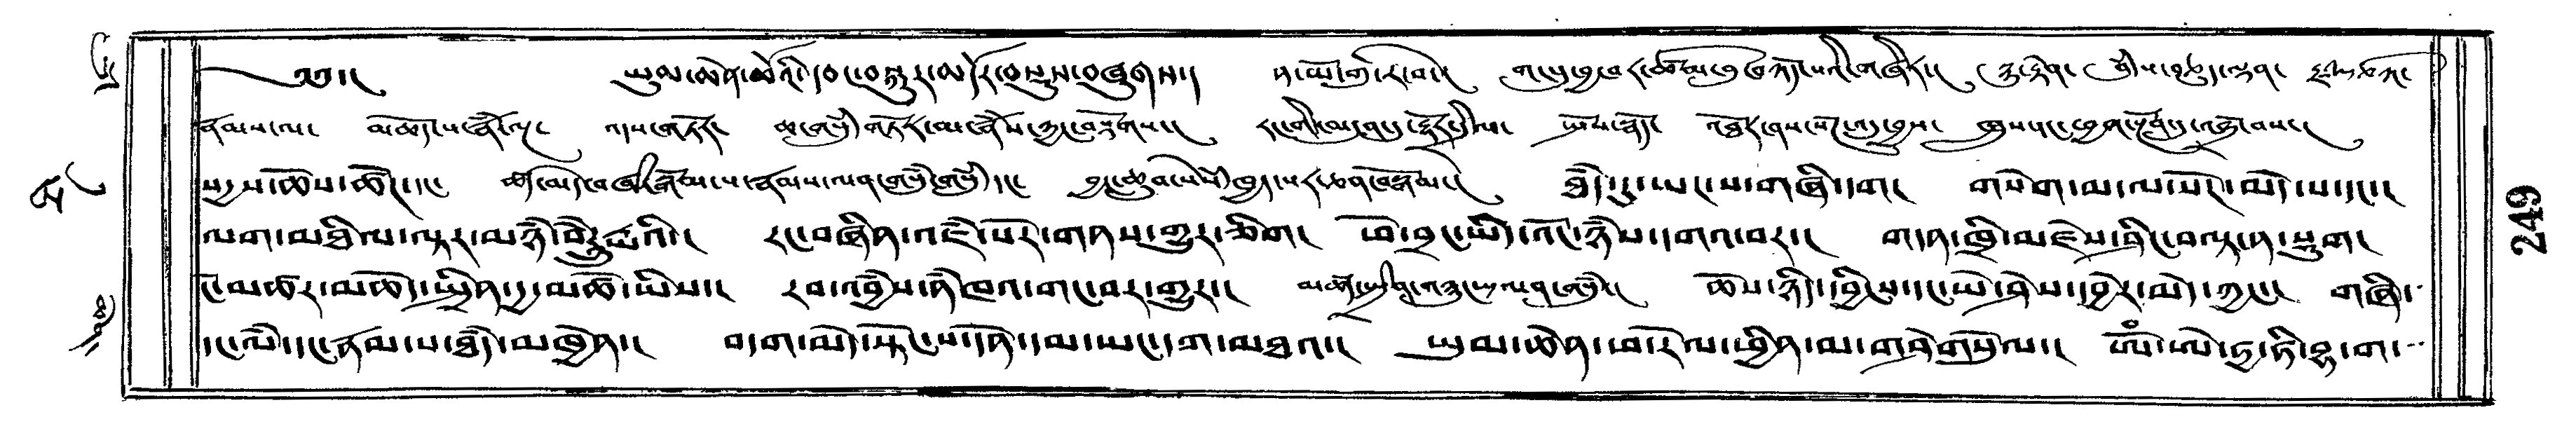ཡུམ་ཆེན་མཽའི་དབང་བསྐུར་མདོར་བསྡུས་བཞུགས། ན་མོ་གུ་རུ་བྷྱཿ གང་དུ་བྱ་བར་ཚོམ་བུ་བཀོད་པའི་གཞིར། སྐུ་རྟེན། བུམ་པ་བཅུད་ལྡན། རྫས་ཙཀ་
རྣམས་ལ། མཆོད་པ་རྣམས་ལྔ། འདས་གཏོར། ཆ་གསུམ་གཏོར་མ་རྣམས་ཀྱང་བསྡོག རང་གི་མདུན་དུ་རྡོར་དྲིལ། སྤོས་སྣོད། འཐོར་ནས་སོགས་འདུ་བྱ། ཁྲུས་དང་ཕྱག་སྔོན་དུ་འགྲོ་བས། 
སངས་རྒྱས་ཆོས་ཚོགས་དང་། ཚད་མེད་བཞི་སྒོམ་པ་རྣམས་ལན་གསུམ་གསུམ་དང་། བྱང་ཆུབ་སེམས་ཁྱད་པར་ཅན་བསྒོམ། ཐམས་ཅད་དུ་ཡང་ས་གཞི་དག གསེག་མ་དལ་སོགས་མེད་པ་དང་། །
ལག་མཐིལ་ལྟར་མཉམས་བཻ་ཌཱུརྻའི། །རང་བཞིན་འཇམ་པོར་གནས་གྱུར་ཅིག ཕོ་བྲང་ཡིད་འོང་ཉམས་དགའ་བར། །གདན་ཁྲི་མཛེས་ཤིང་བལྟ་ན་སྡུག །
ངོ་མཚར་མཆོད་སྤྲིན་རྒྱ་མཚོ་ཡིས། །རབ་འབྱམས་ནམ་མཁའ་གང་བར་གྱུར། མཆོད་སྤྲིན་གཟུངས་ལན་གསུམ། ཆོས་ཉིད་དབྱིངས་དང་ཡེ་ཤེས་དབྱེར་མེད་ཀྱང་། །གཞི་
དང་ལམ་དང་རྣམ་པ་ཐམས་ཅད་མཁྱེན། །བདག་མེད་སྟོང་པ་དོན་དམ་ཡང་དག་མཐའ། །ཡུམ་ཆེན་ཕ་རོལ་ཕྱིན་མ་གཤེགས་སུ་གསོལ། །ཨོཾ་ཨེ་ཧྱ་ཧི་བྷ་ག་